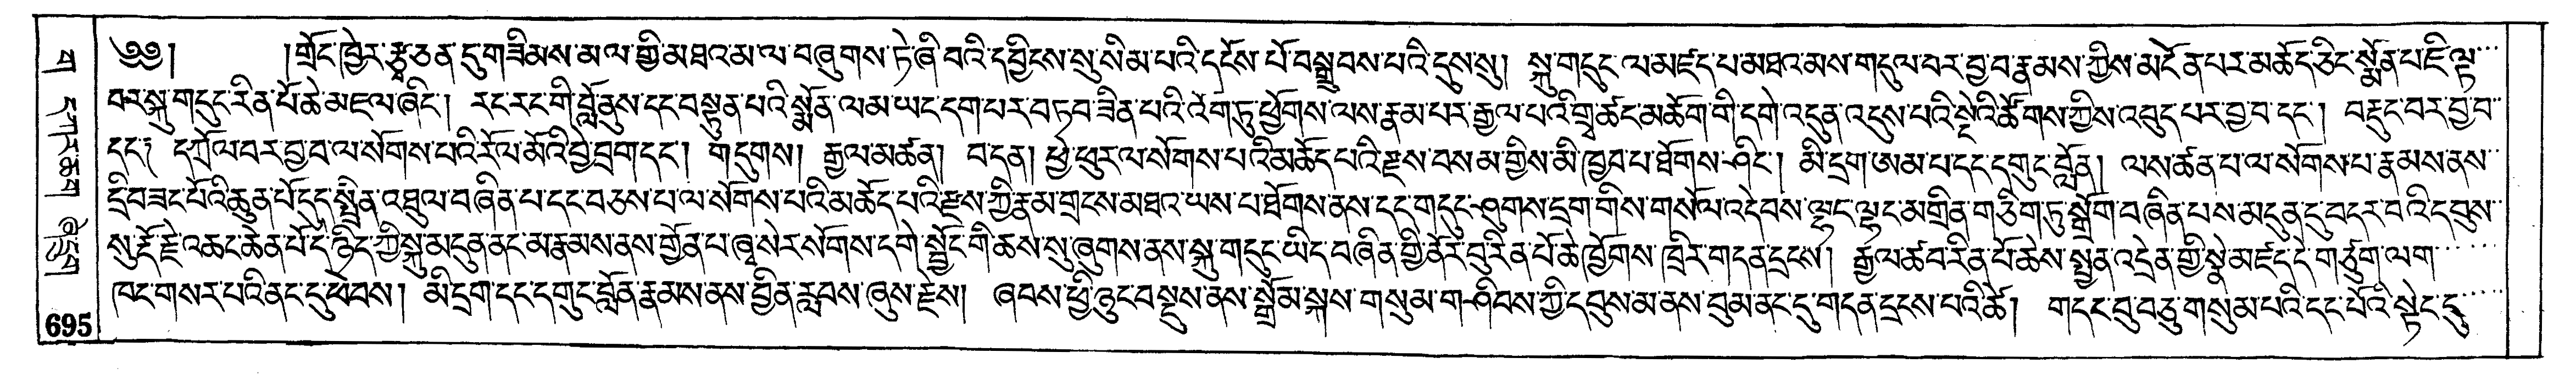༄༅། །གྲོང་ཁྱེར་རྩྭ་ཅན་དུ་གཟིམས་མལ་གྱི་མཐའ་མ་ལ་བཞུགས་ཏེ་ཞི་བའི་དབྱིངས་སུ་སིམ་པའི་དངོས་པོ་བསྒྲུབས་པའི་དུས་སུ། སྐུ་གདུང་ལ་མཛད་པ་མཐའ་མས་གདུལ་བར་བྱ་བ་རྣམས་ཀྱིས་མངོན་པར་མཆོད་ཅིང་སྨོན་པ་ཇི་ལྟ་
བར་སྐུ་གདུང་རིན་པོ་ཆེ་མཇལ་ཞིང་། རང་རང་གི་བློ་ནུས་དང་བསྟུན་པའི་སྨོན་ལམ་ཡང་དག་པར་བཏབ་ཟིན་པའི་འོག་ཏུ་ཕྱོགས་ལས་རྣམ་པར་རྒྱལ་བའི་གྲྭ་ཚང་མཆོག་གི་དགེ་འདུན་འདུས་པའི་སྡེའི་ཚོགས་ཀྱིས་འབུད་བར་བྱ་བ་དང་། བརྡུང་བར་བྱ་བ་
དང༑ དཀྲོལ་བར་བྱ་བ་ལ་སོགས་པའི་རོལ་མོའི་བྱེ་བྲག་དང་། གདུགས། རྒྱལ་མཚན། བ་དན། ཕྱེ་ཕུར་ལ་སོགས་པའི་མཆོད་པའི་རྫས་བསམ་གྱིས་མི་ཁྱབ་པ་ཐོགས་ཤིང་། མི་དྲག་ཨམ་པ་དང་དགུང་བློན། ལས་ཚན་པ་ལ་སོགས་པ་རྣམས་ནས་
དྲི་བཟང་པོའི་ཆུན་པོ་དུང་སྤྲིན་འཐུལ་བཞིན་པ་དང་བཅས་པ་ལ་སོགས་པའི་མཆོད་པའི་རྫས་ཀྱི་རྣམ་གྲངས་མཐའ་ཡས་པ་ཐོགས་ནས་དང་གདུང་ཤུགས་དྲག་གིས་གསོལ་འདེབས་ལྷང་ལྷང་མགྲིན་གཅིག་ཏུ་སྒྲོག་བཞིན་པས་མདུན་དུ་བདར་བའི་དབུས་
སུ་རྡོ་རྗེ་འཆང་ཆེན་པོ་དེ་ཉིད་ཀྱི་སྐུ་མདུན་ནང་མ་རྣམས་ནས་གྱོན་པ་ཞྭ་སེར་སོགས་དགེ་སྦྱོང་གི་ཆས་སུ་ཞུགས་ནས་སྐུ་གདུང་ཡིད་བཞིན་གྱི་ནོར་བུ་རིན་པོ་ཆེ་ཁྱོགས་ཁྲིར་གདན་དྲངས། རྒྱལ་ཚབ་རིན་པོ་ཆེས་སྤྱན་འདྲེན་གྱི་སྣེ་མཛད་དེ་གཙུག་ལག་
ཁང་གསར་པའི་ནང་དུ་ཕེབས། མི་དྲག་དང་དགུང་བློན་རྣམས་ནས་བྱིན་རླབས་ཞུས་རྗེས། ཞབས་ཕྱི་ཉུང་བསྡུས་ནས་སྒྲོམ་སྐས་གསུམ་གཤིབས་ཀྱི་དབུས་མ་ནས་བུམ་ནང་དུ་གདན་དྲངས་པའི་ཚེ། གདང་བུ་བཅུ་གསུམ་པའི་དང་པོའི་སྟེང་དུ་